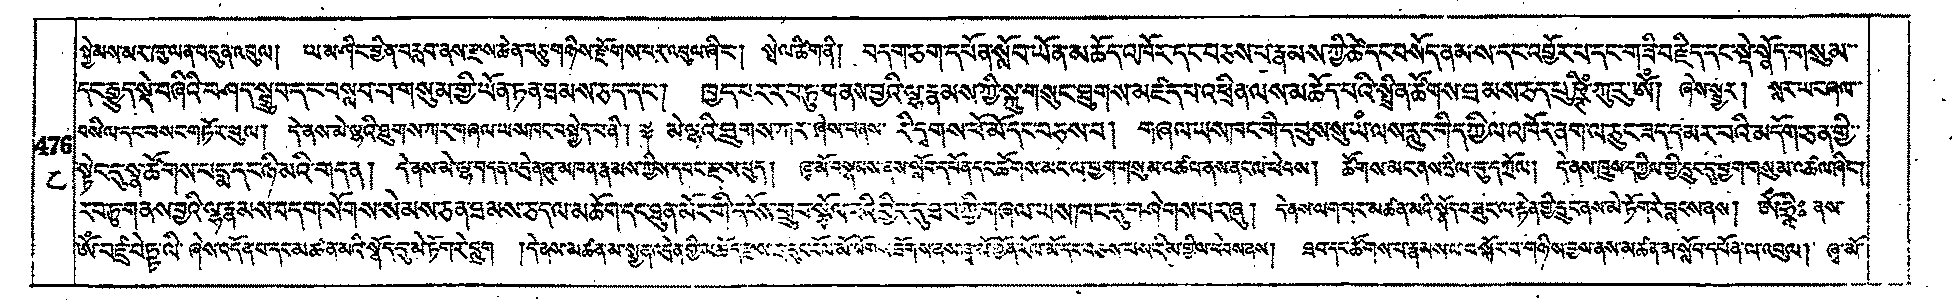སྐྱེམས་མར་ཁུ་ལན་བདུན་འབུལ། ཡམ་ཤིང་བྱིན་བརླབས་ནས་རྫས་ཆེན་བཅུ་གཉིས་རྫོགས་པར་འབུལ་ཞིང་། སྤེལ་ཚིག་ནི། བདག་ཅག་དཔོན་སློབ་ཡོན་མཆོད་འཁོར་དང་བཅས་པ་རྣམས་ཀྱི་ཚེ་དང་བསོད་ནམས་དང་འབྱོར་པ་དང་གཟི་བརྗིད་དང་སྡེ་སྣོད་གསུམ་
དང་རྒྱུད་སྡེ་བཞིའི་བཤད་སྒྲུབ་དང་བསླབ་པ་གསུམ་གྱི་ཡོན་ཏན་ཐམས་ཅད་དང་། ཁྱད་པར་རབ་ཏུ་གནས་བྱའི་ལྷ་རྣམས་ཀྱི་སྐུ་གསུང་ཐུགས་མཛད་པ་འཕྲིན་ལས་མཆོད་པའི་སྤྲིན་ཚོགས་ཐམས་ཅད་པུཥྚིཾ་ཀུ་རུ་ཨོཾ། ཞེས་སྦྱར། སླར་ཡང་ཞལ་
བསིལ་དང་བསང་གཏོར་ཕུལ། དེ་ནས་མེ་ལྷའི་ཐུགས་ཀར་གཞལ་ཡས་ཁང་བསྐྱེད་པ་ནི། འ་མེ་ལྷའི་ཐུགས་ཀར་ཞེས་པ་ནས་རི་དྭགས་ཕོ་མོ་དང་བཅས་པ། གཞལ་ཡས་ཁང་གི་དབུས་སུ་ཡཾ་ལས་རླུང་གི་དཀྱིལ་འཁོར་ནག་ལ་ཅུང་ཟད་དམར་བའི་མདོག་ཅན་གྱི་
སྟེང་དུ་སྣ་ཚོགས་པདམ་དང་ཉི་མའི་གདན། དེ་ནས་མེ་ལྷ་གདན་འདྲེན་ཞུ་མཁན་རྣམས་ཀྱིས་དབང་རྫས་ཕུད། ཞྭ་མོ་བསྣམས་ནས་སློབ་དཔོན་དང་ཚོགས་མང་ལ་ཕྱག་གསུམ་འཚལ་ནས་ནང་ལ་ཕེབས། ཚོགས་མང་ནས་དྲིལ་བུ་དཀྲོལ། །དེ་ནས་ཁྲུས་དཀྱིལ་གྱི་དྲུང་དུ་ཕྱག་གསུམ་འཚལ་ཞིང་།
རབ་ཏུ་གནས་བྱའི་ལྷ་རྣམས་བདག་སོགས་སེམས་ཅན་ཐམས་ཅད་ལ་མཆོག་དང་ཐུན་མོང་གི་དངོས་གྲུབ་སྩོལ་བའི་ཕྱིར་དུ་ཐབ་ཀྱི་གཞལ་ཡས་ཁང་དུ་གཤེགས་པར་ཞུ། དེ་ནས་ལག་པར་མཚན་མའི་སྣོད་བཟུང་ལ་རྟེན་གྱི་དྲུང་ནས་མེ་ཏོག་རེ་བླངས་ནས།  ཨོཾ་ཧྲཱིཿ ནས
ཨོཾ་བཛྲ་བེཏྟ་ལི་ཞེས་འདོན་པ་དང་མཚན་མའི་སྣོད་དུ་མེ་ཏོག་རེ་བླུག །དེ་ནས་མཚན་མ་སྤྱན་འདྲེན་གྱི་མཆོད་རྫས་རྔ་དུང་རོལ་མོ་སོགས་ཐོགས་ནས་ཞྭ་མོ་གྱོན་རོལ་མོ་དང་བཅས་པས་རིམ་གྱིས་ཕེབས་ནས། ཐབ་དང་ཚོགས་པ་རྣམས་ལ་བསྐོར་བ་གཉིས་བྱས་ནས་མཚན་མ་སློབ་དཔོན་ལ་འབུལ། ཞྭ་མོ་